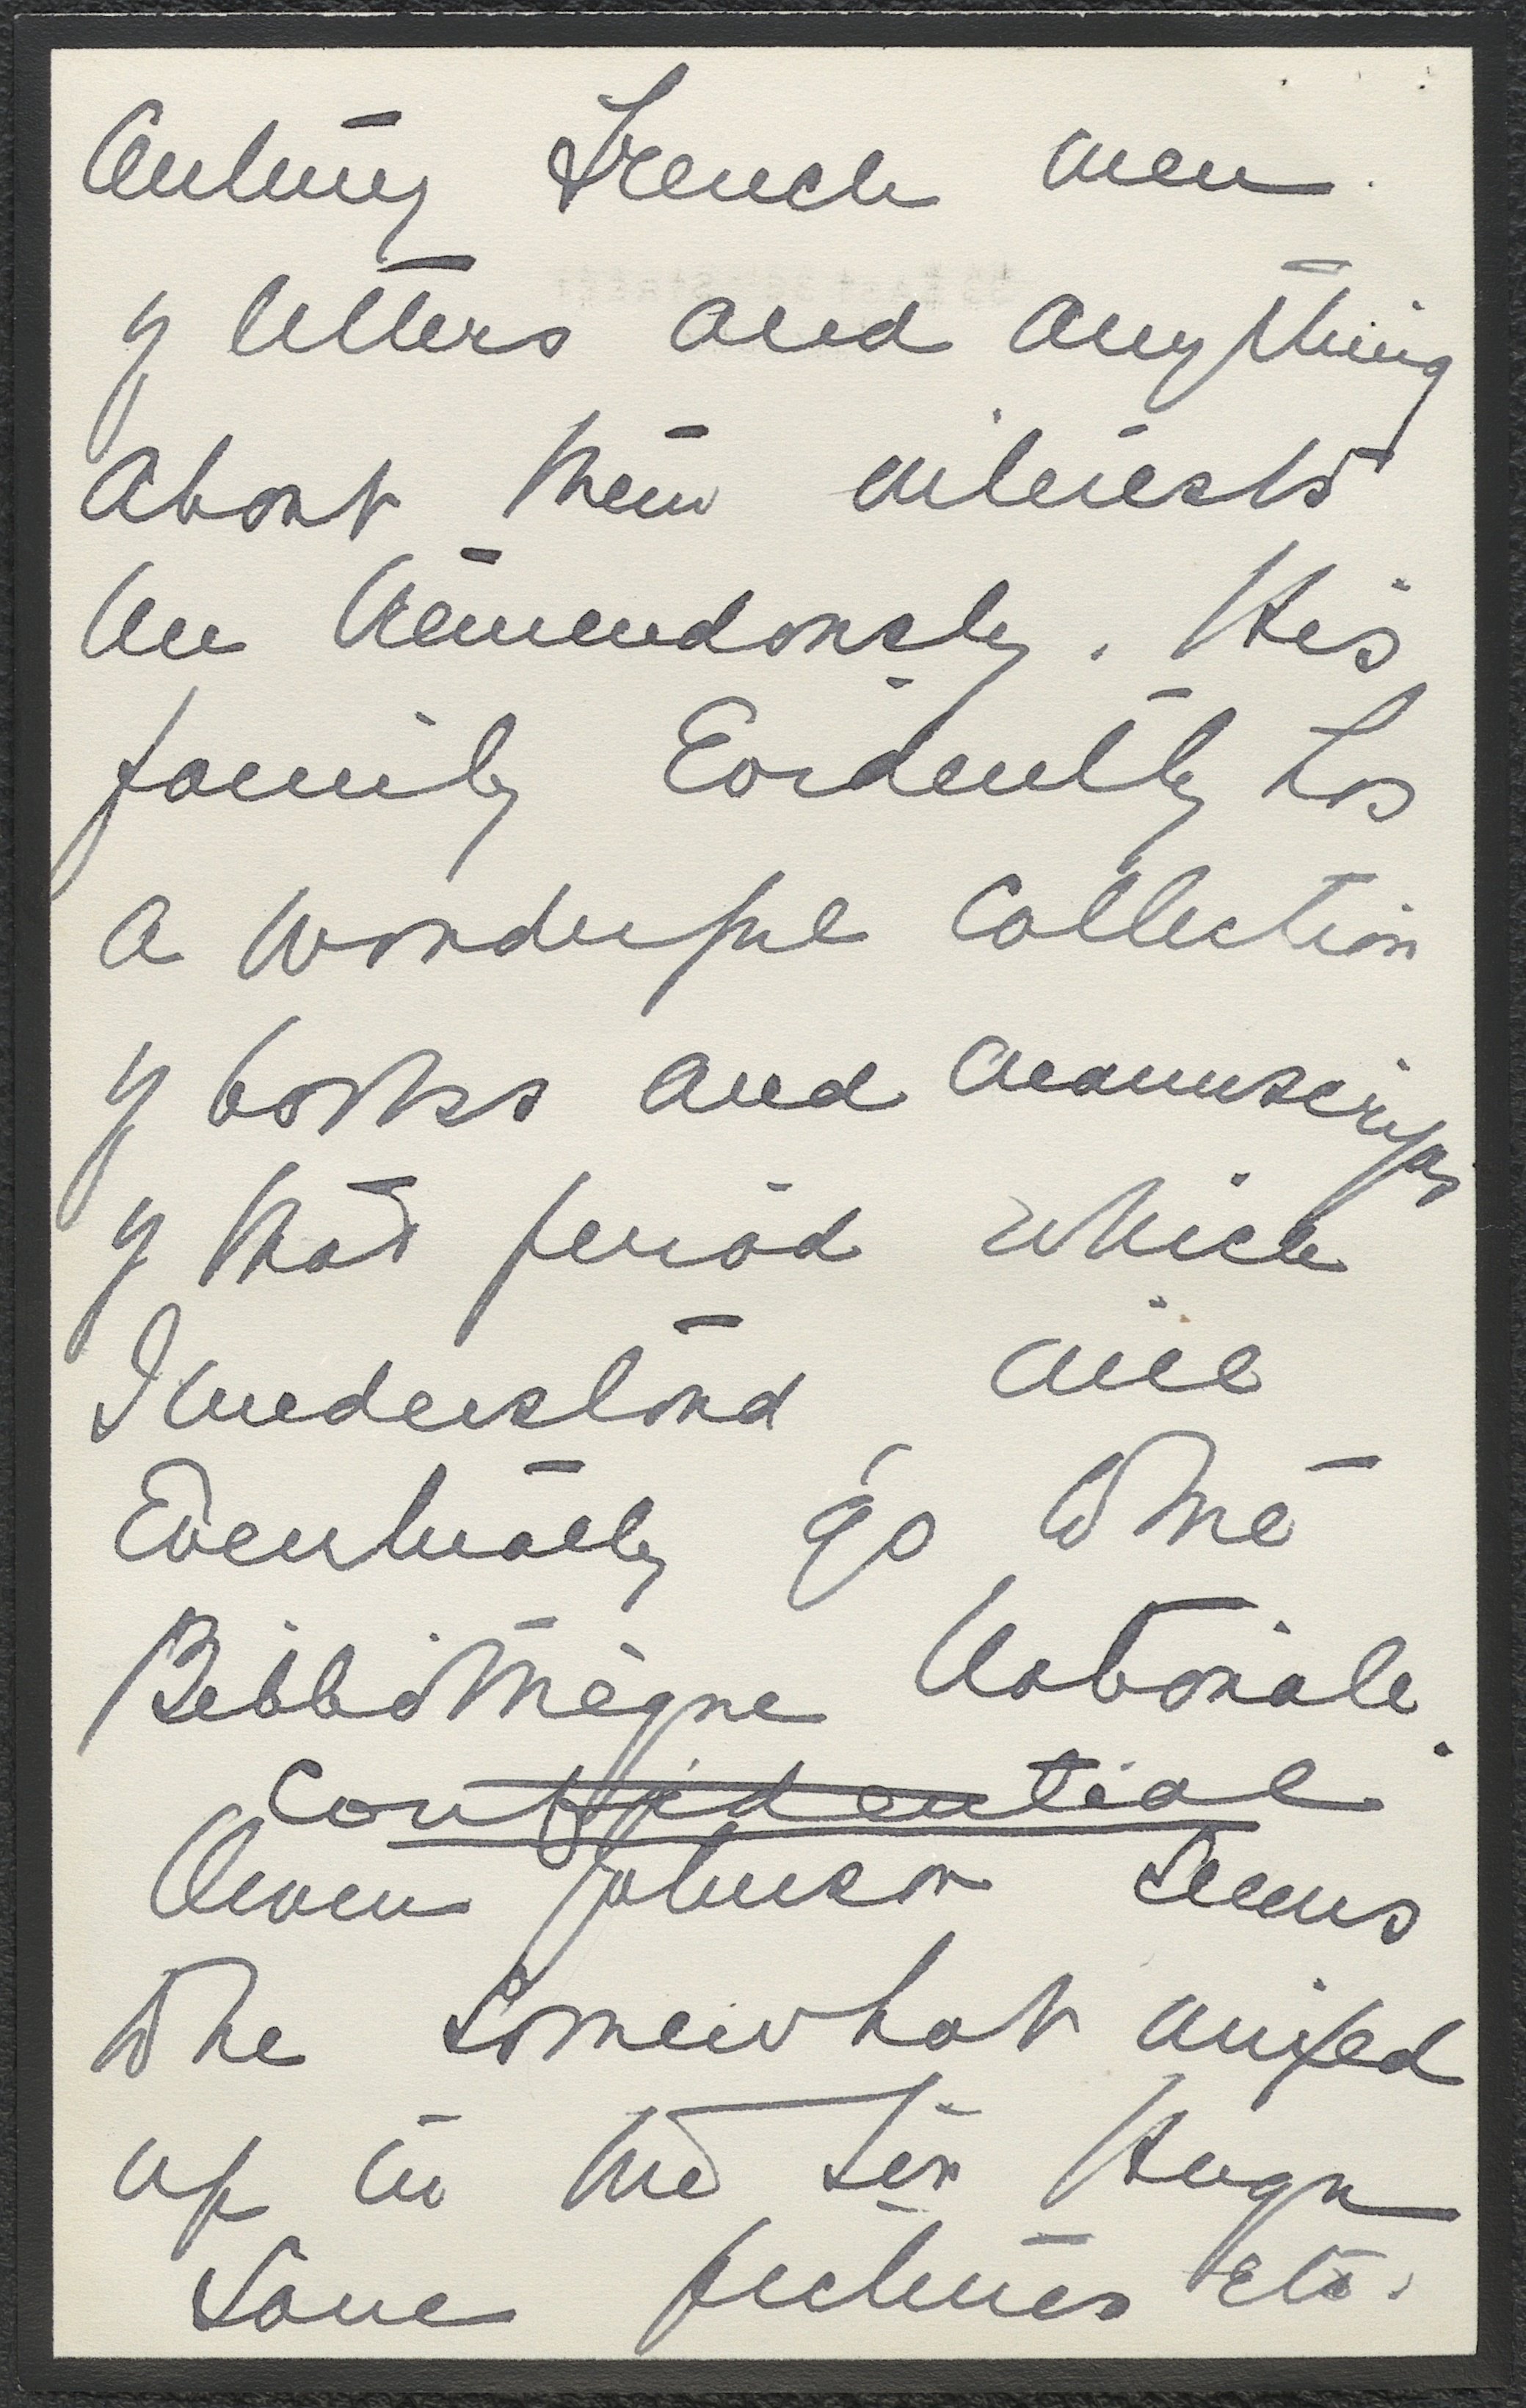Century French men of letters and anything about them interests me tremendously. His family evidently has a wonderful collection of books and manuscripts of that period which I understand, will eventually go to the Bibliothèque Nationale.
Confidential
Owen Johnson seems to be somewhat mixed up in the Sir Hugh Lane pictures etc.